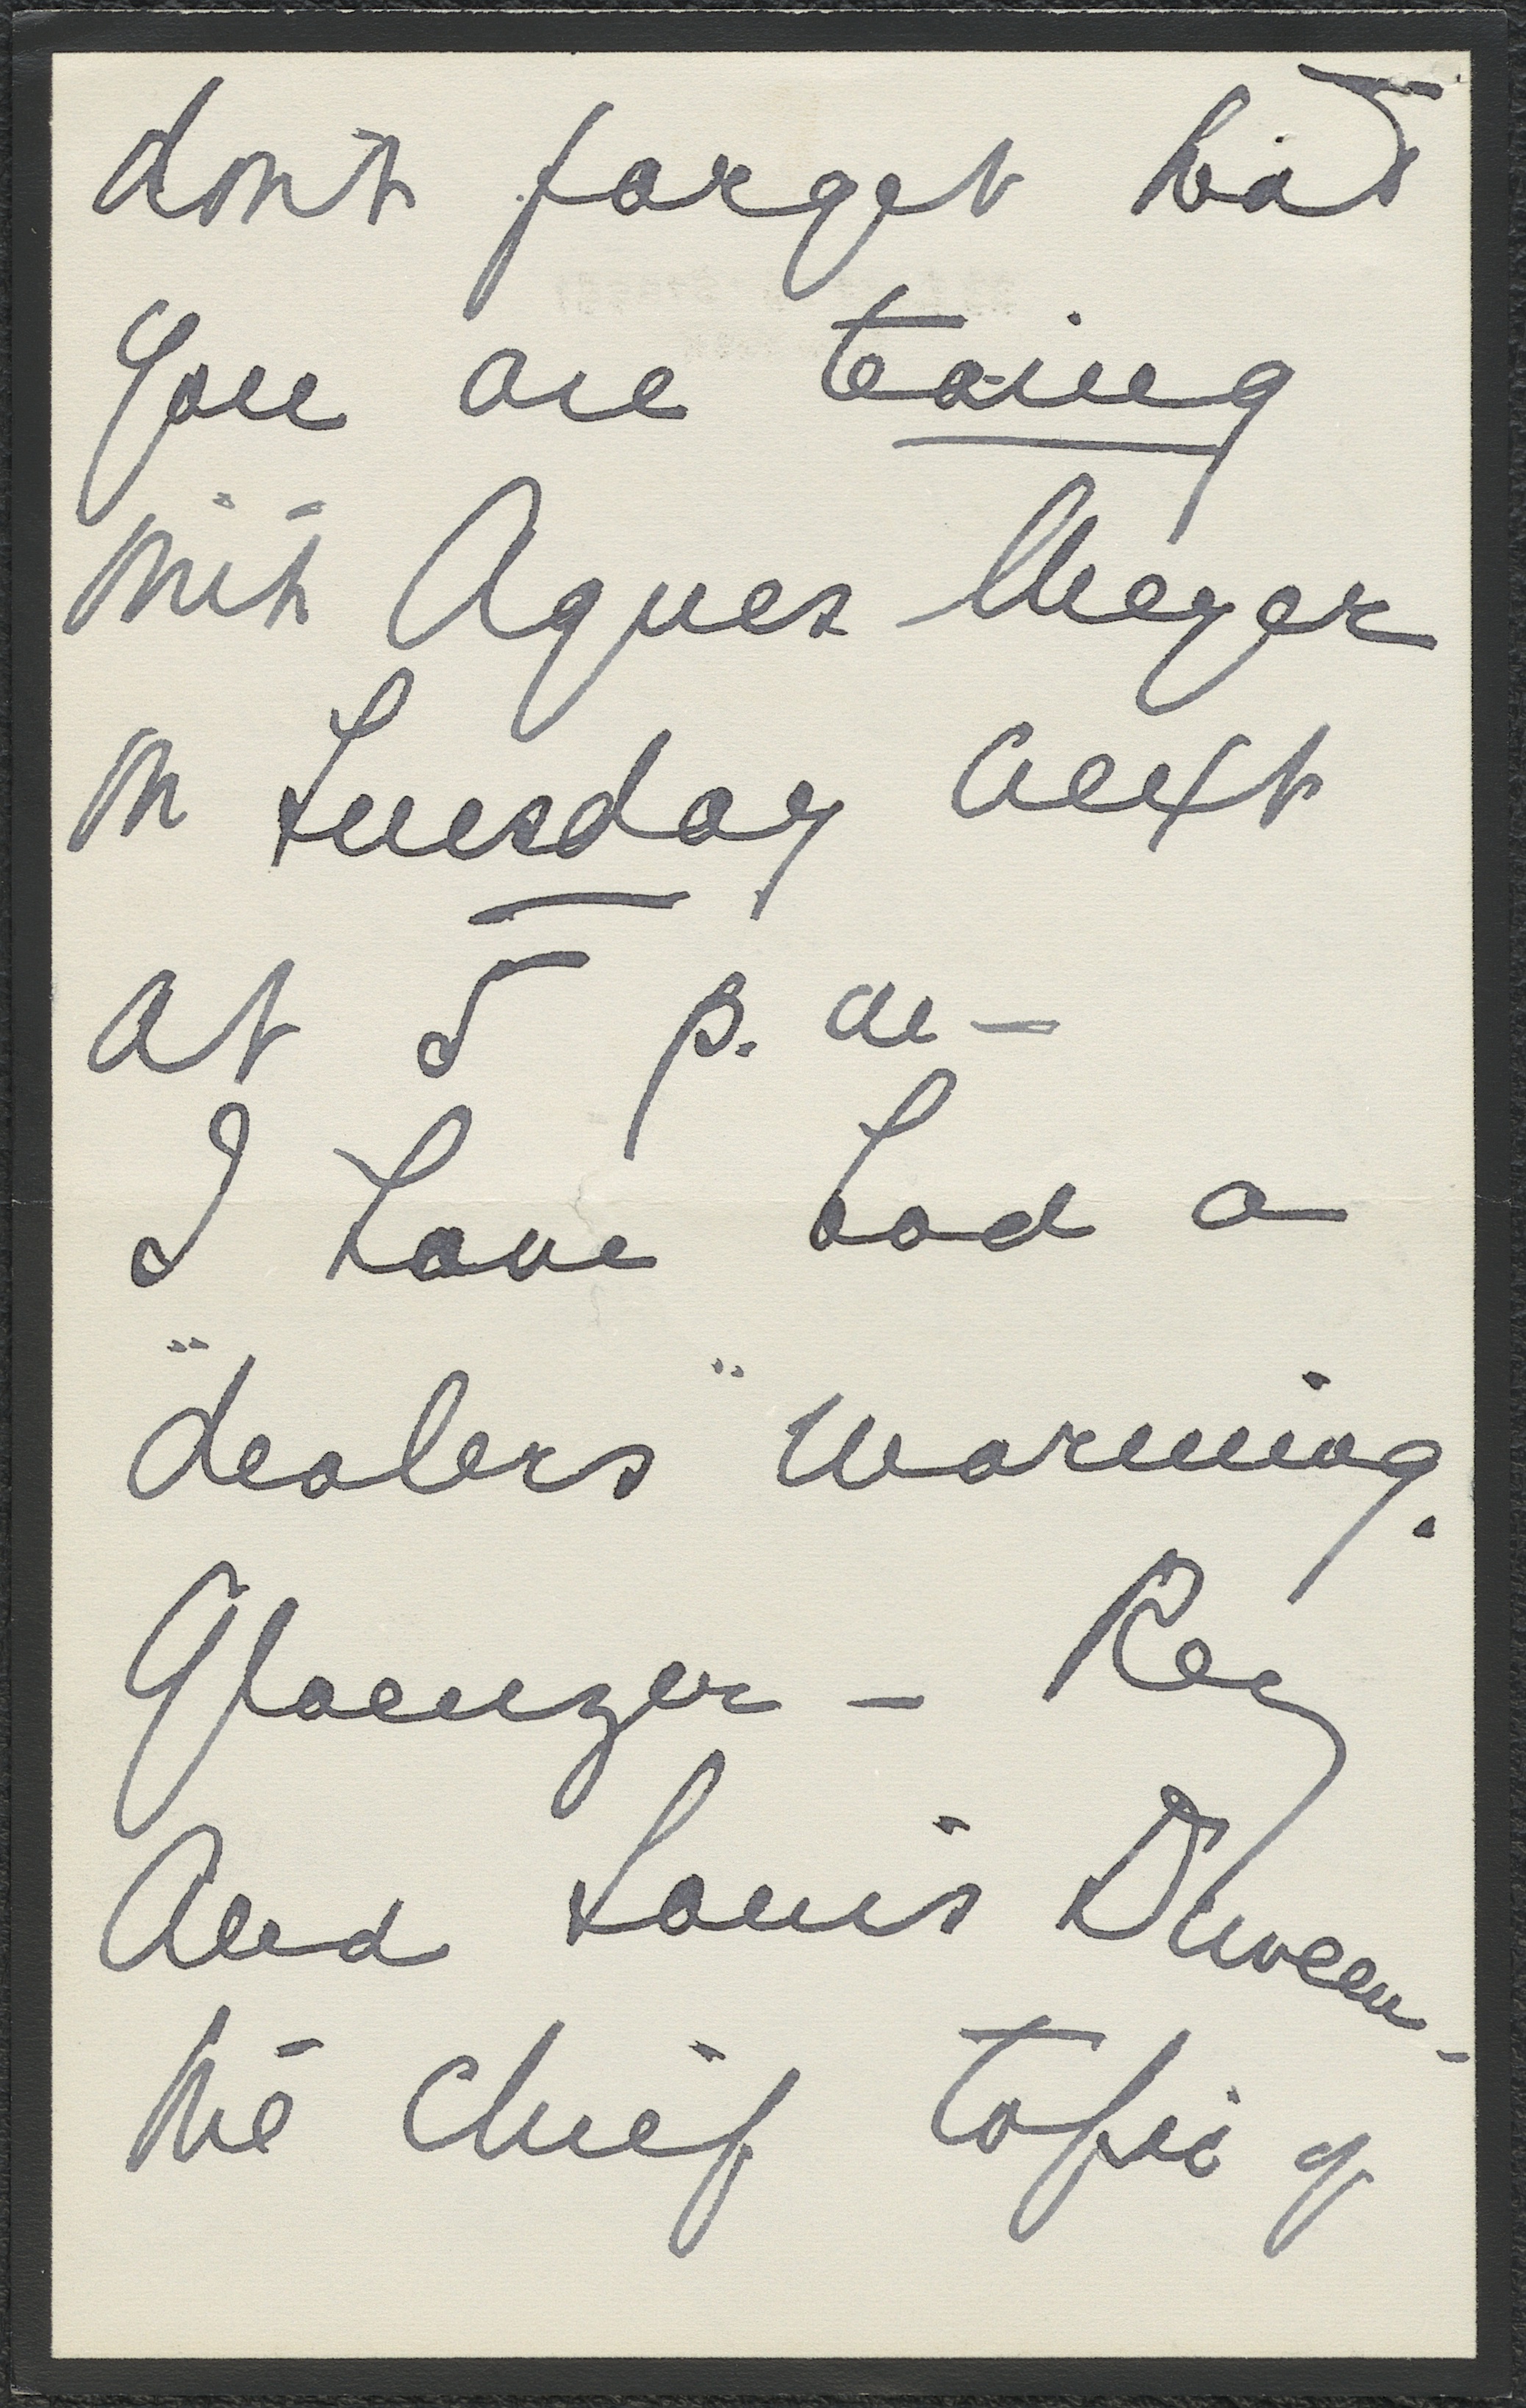don’t forget that you are teaing with Agnes Meyer on Tuesday next at 5 p.m. – I have had a “dealers” morning. Glaenzer – Rey and Louis Duveen – the chief topic of